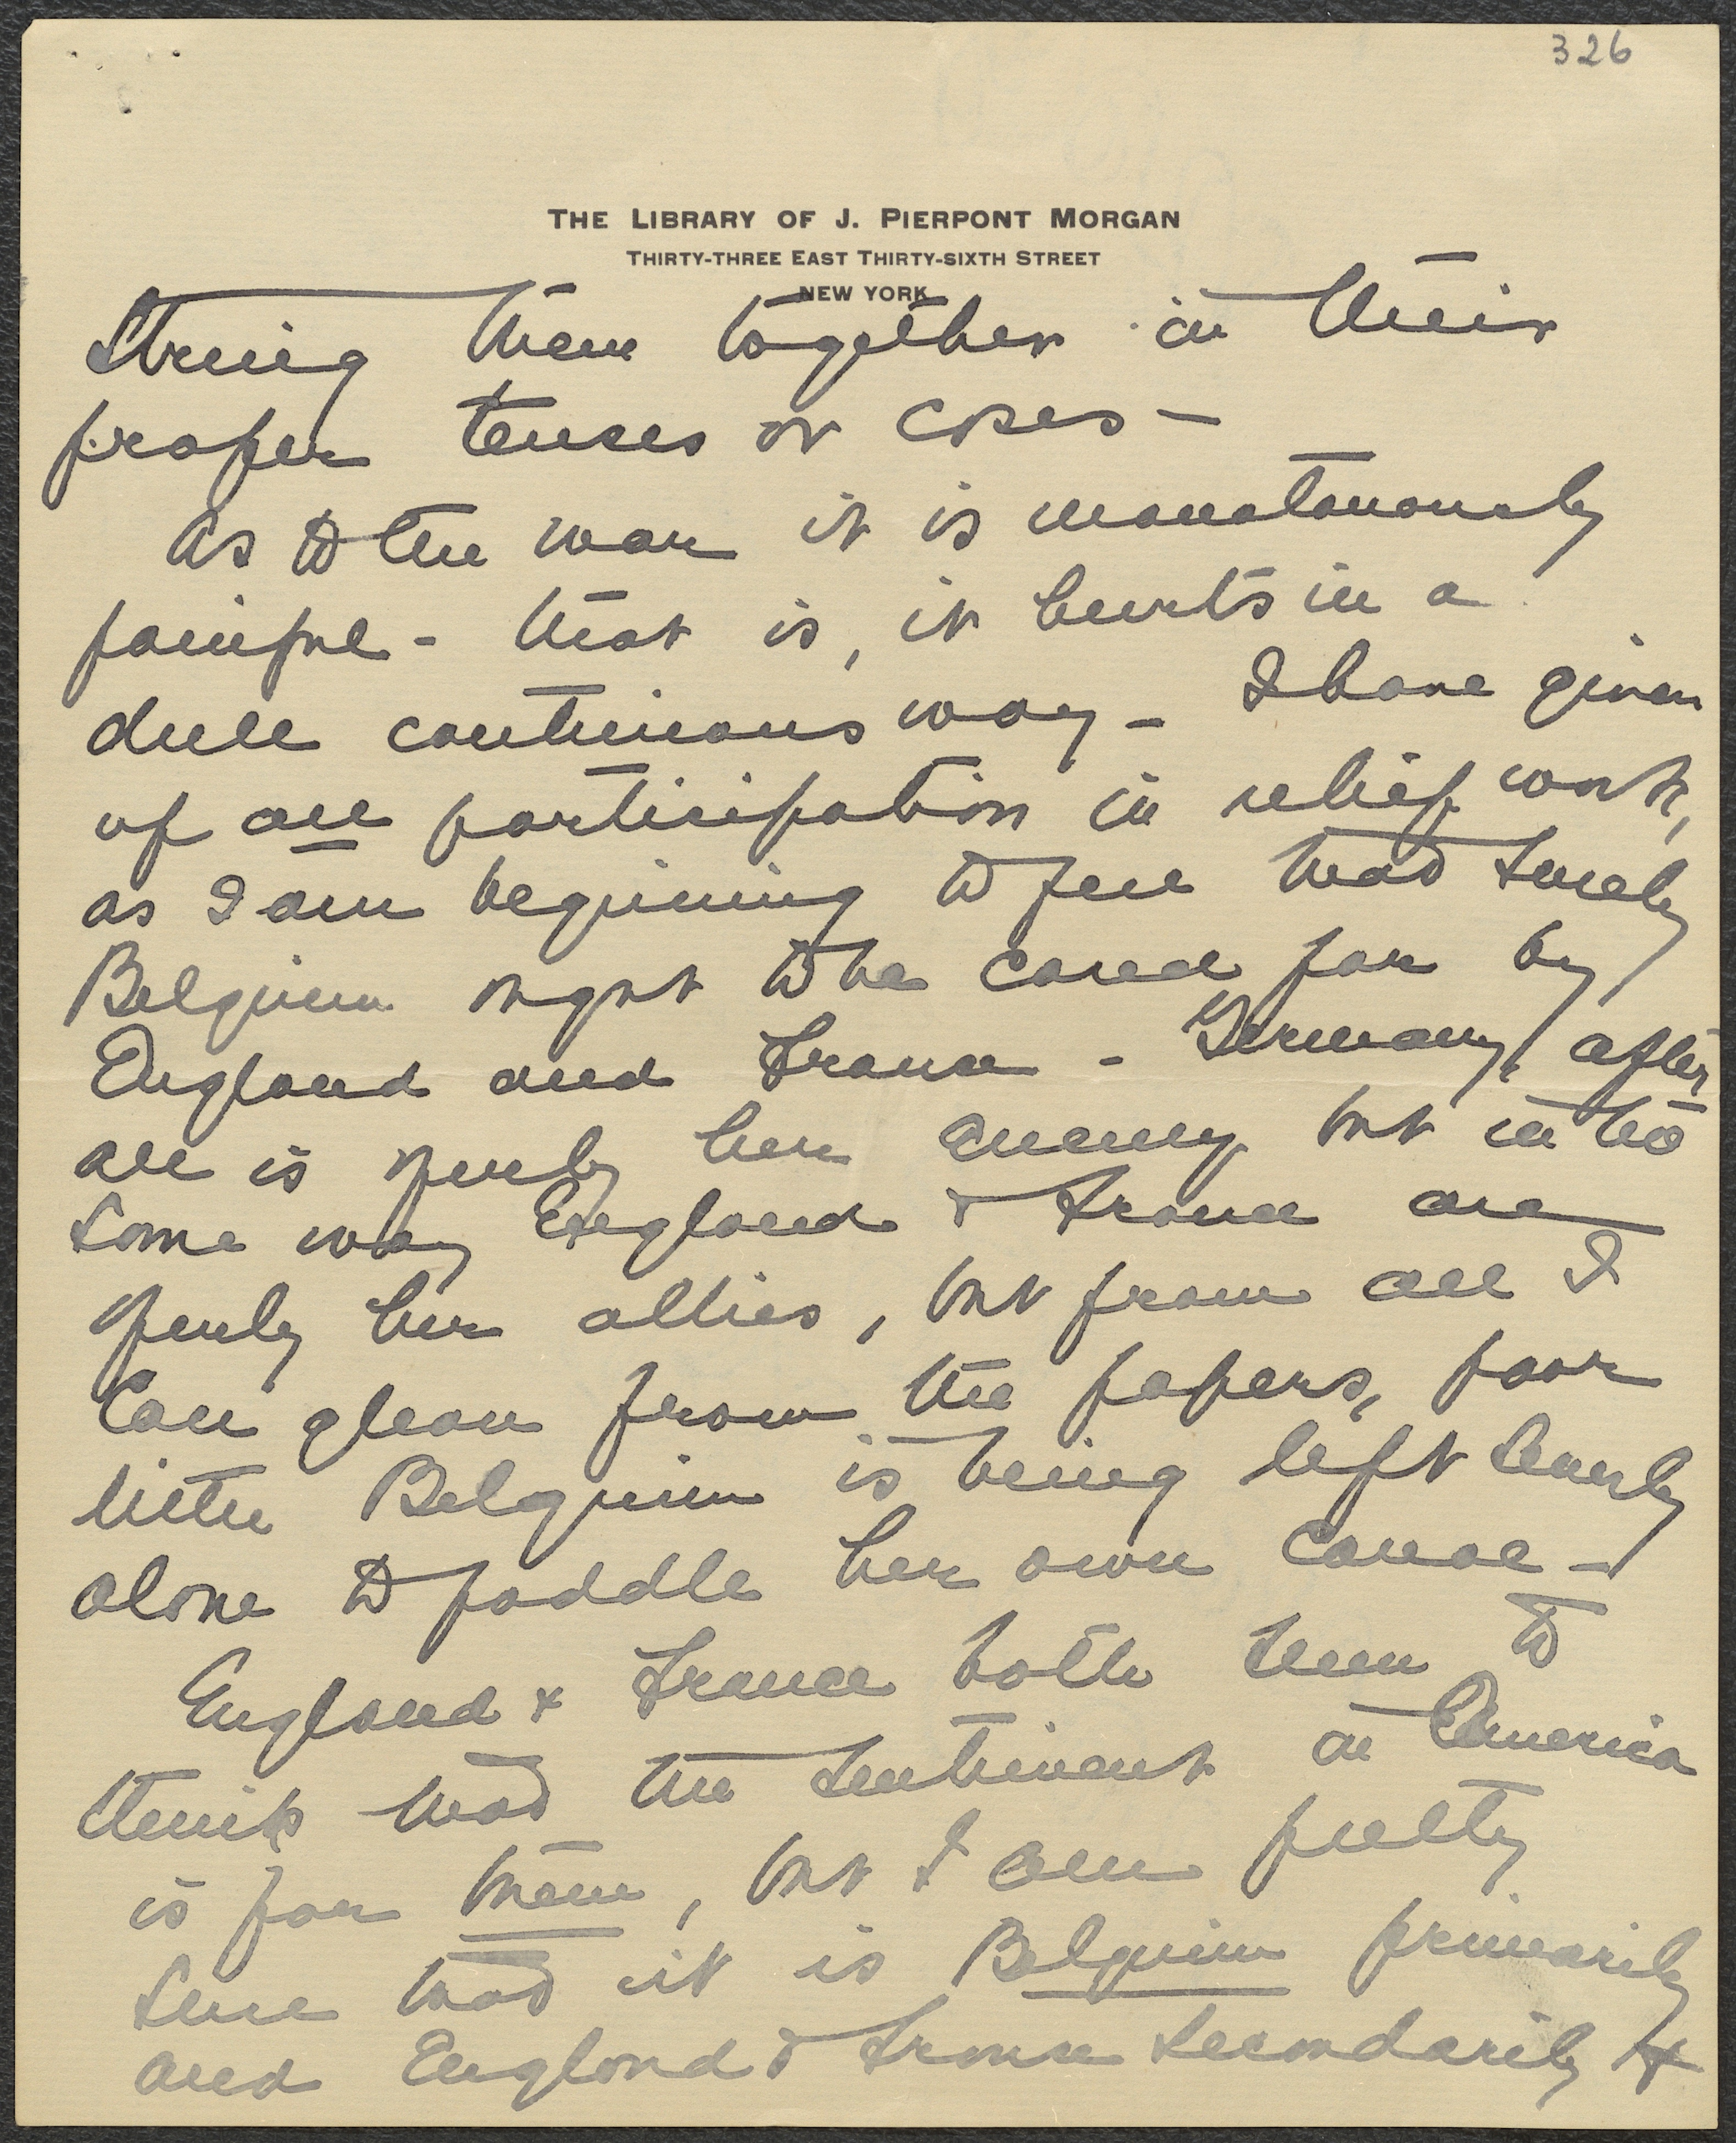string them together or their proper tenses or cases –
As to the war it is monotonously painful – that is, it hurts in a dull continuous way – I have given up all participation in relief work, as I am beginning to feel that surely Belgium ought to be cared for by England and France – Germany, after all is openly her enemy but in the same way England & France are openly her allies, but from all I can glean from the papers, poor little Belgium is being left surely alone to paddle her own cause –
England & France both seem to think that the sentiment in America is for them, but I am pretty sure that it is Belgium primarily and England & France secondarily &